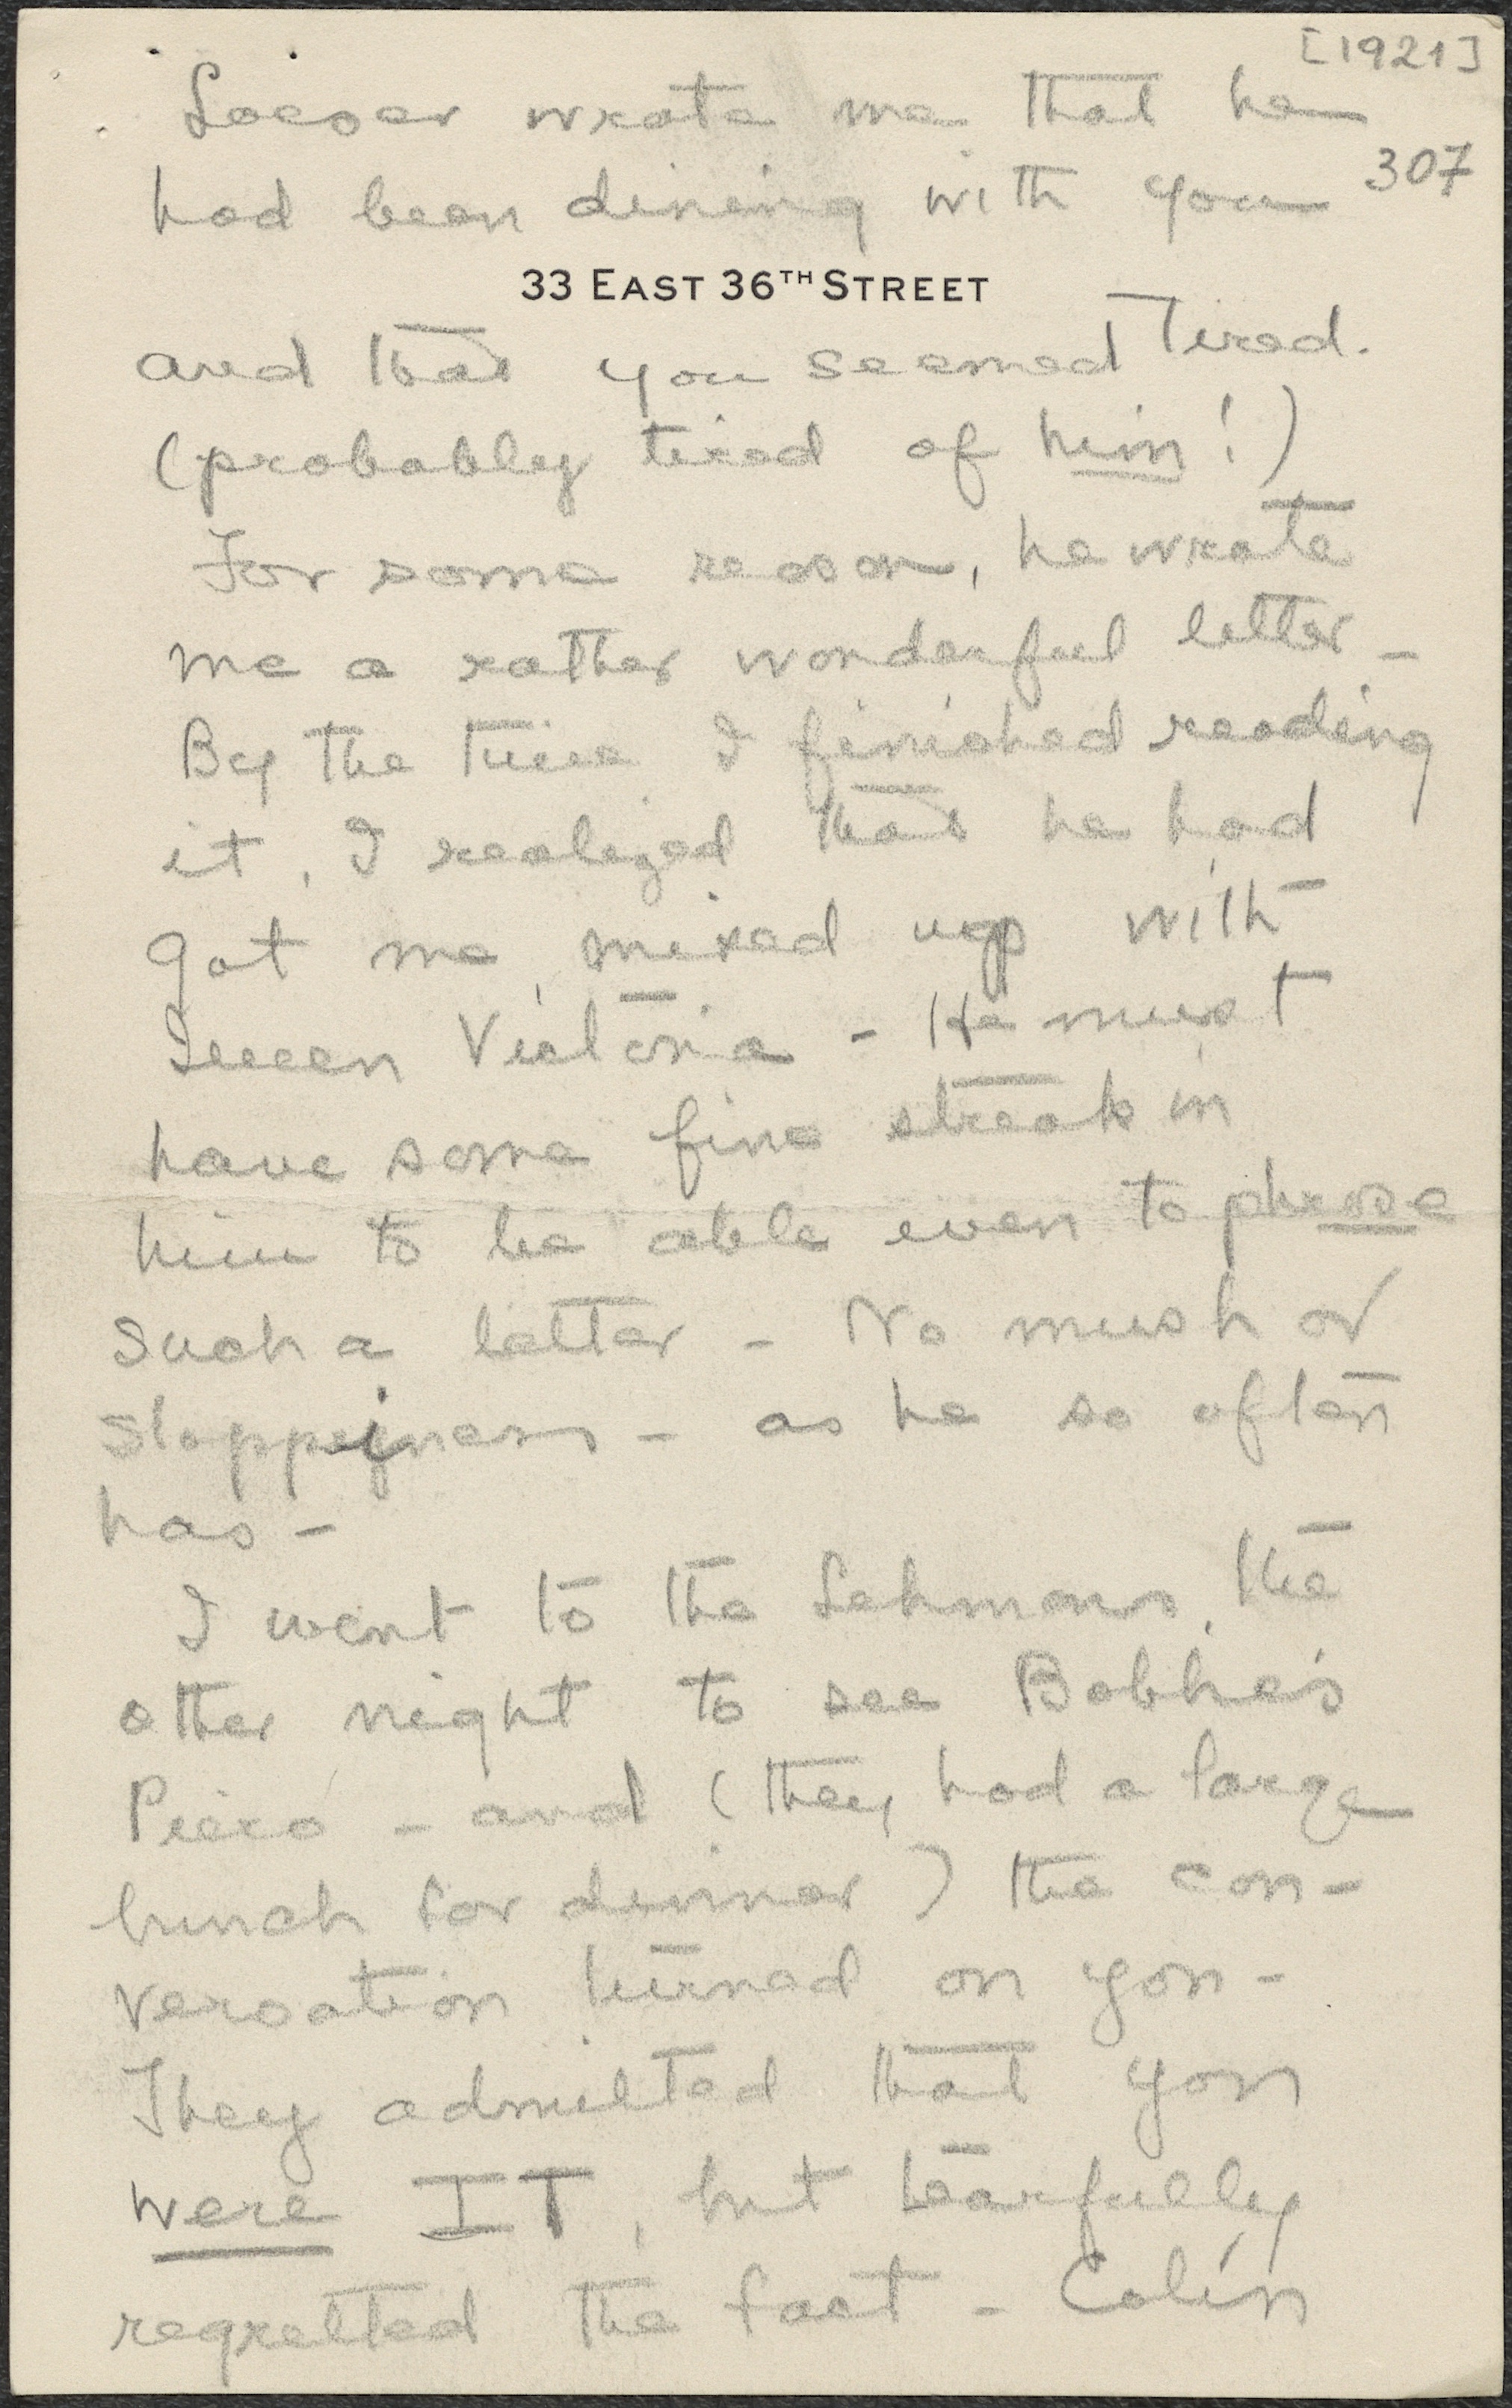Loeser wrote me that he had been dining with you and that you seemed tired. (probably tired of him!) For some reason, he wrote me a rather wonderful letter – By the time I finished reading it, I realized that he had got me mixed up with Queen Victoria – He must have some fine streak in him to be able even to phrase such a letter – No mush or sloppiness – as he so often has –
I went to the Lehmans the other night to see Bobbie’s Piero – and (they had a large lunch for dinner) the conversation turned on you –
They admitted that you were IT, but tearfully regretted the fact – Colin